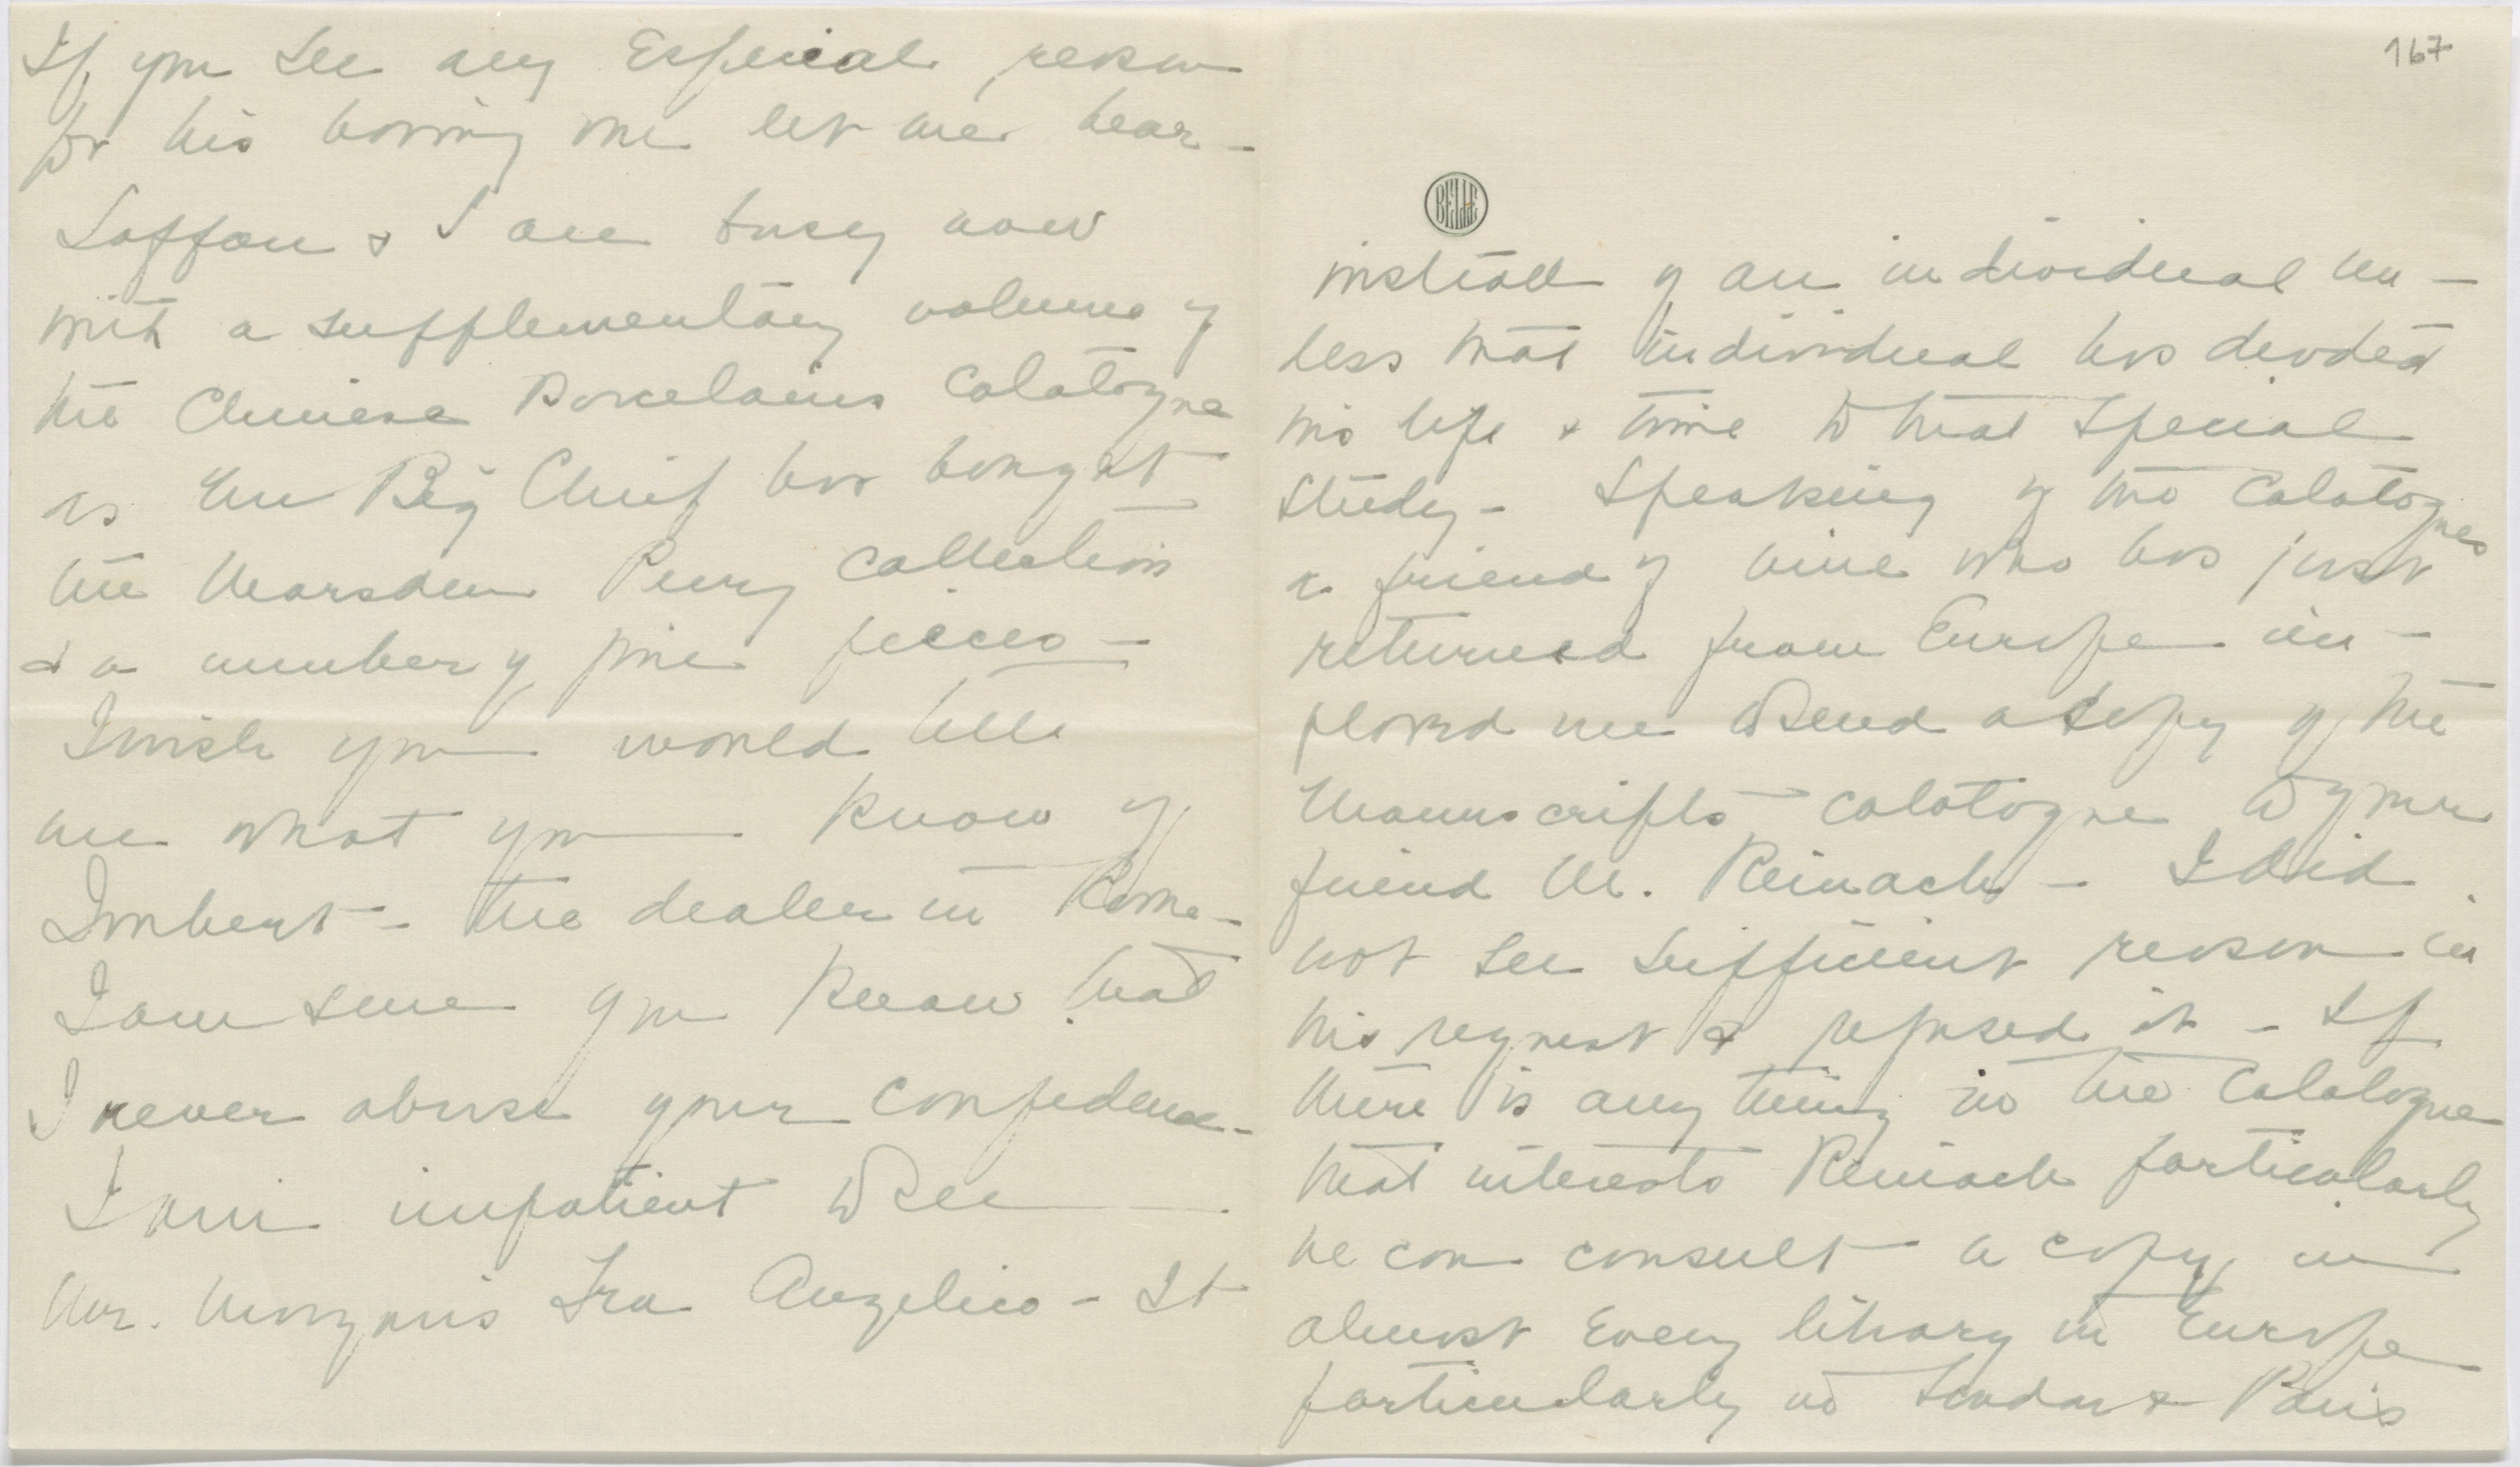instead of an individual unless that individual has devoted his life & time to that special study – Speaking of the catalogues a friend of mine who has just returned from Europe implored me to send a copy of the manuscripts catalogue to your friend M. Reinach – I did not see sufficient reason in his request & refused it – If there is any thing in the catalogue that interests Reinach particularly he can consult a copy in almost every library in Europe particularly in London & Paris
If you see any especial reason for his having one let me hear –
Laffan & I are busy now with a supplementary volume of the Chinese Porcelains catalogue as the Big Chief has bought the Marsden Perry collection & a number of fine pieces –
I wish you would tell me what you know of Imbert the dealer in Rome – I am sure you know that I never abuse your confidence – I am impatient to see Mr. Morgan’s Fra Angelico – It